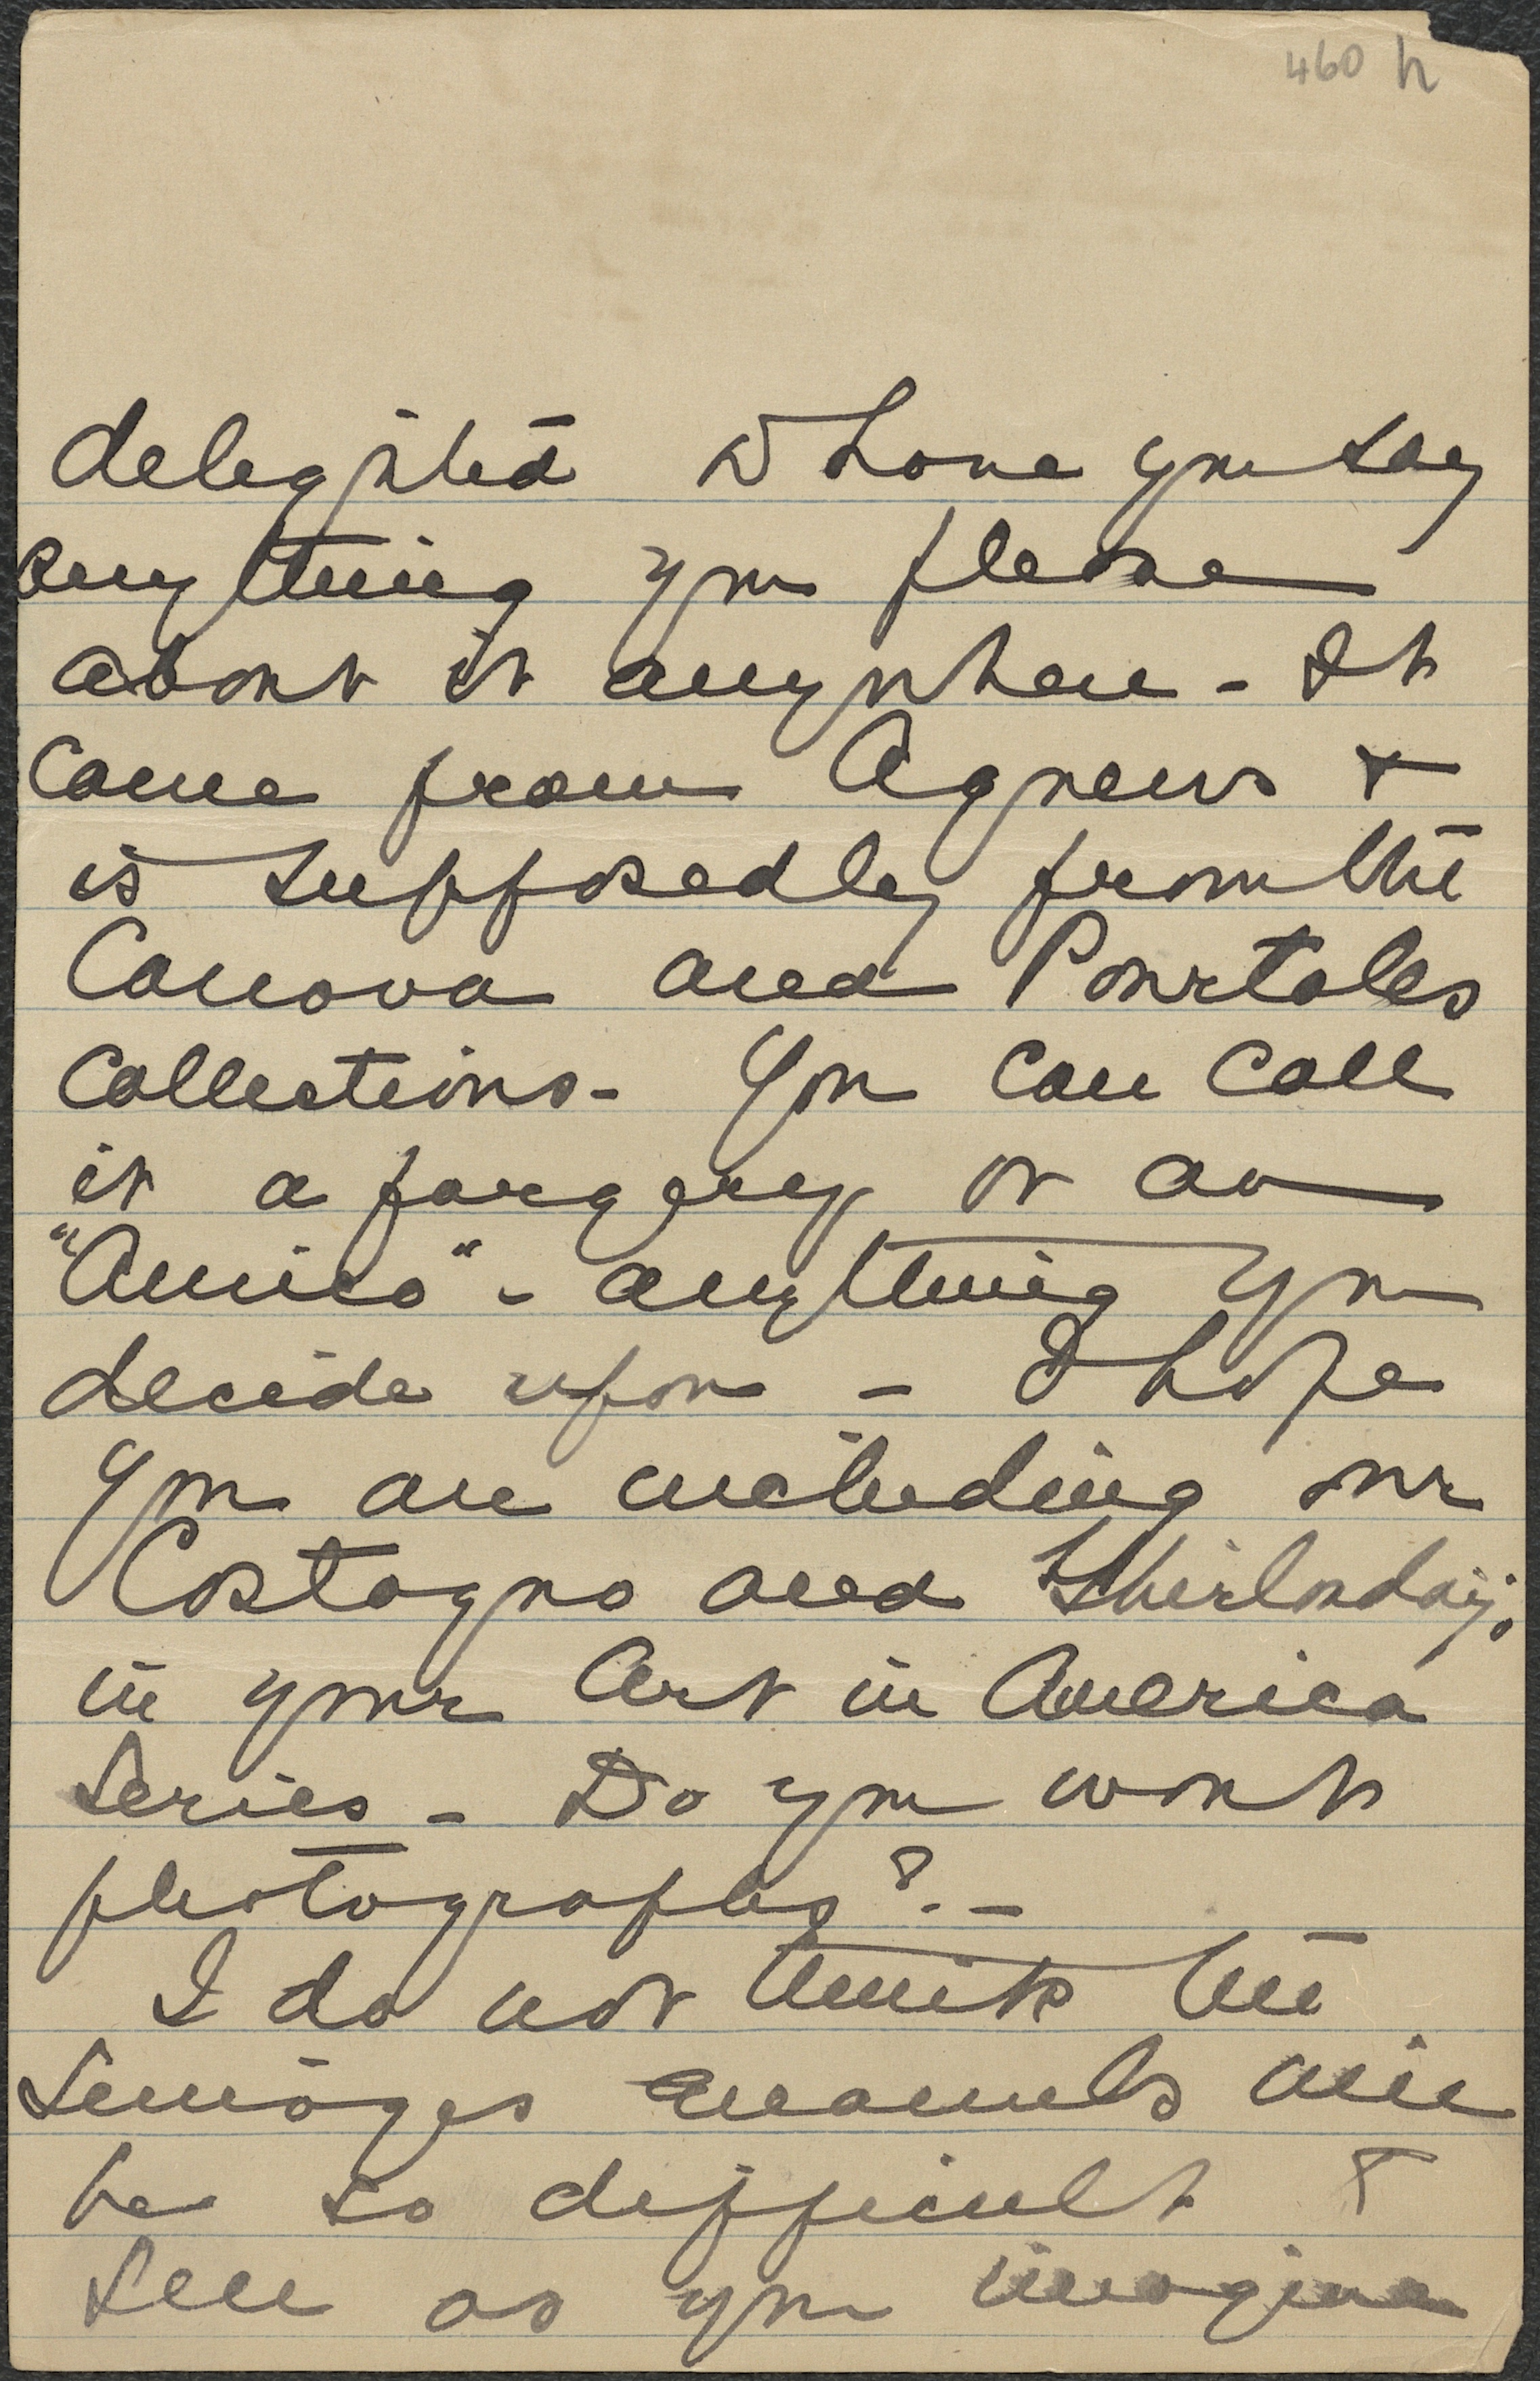delighted to have you say anything you please about it anywhere – It came from Agnews & is supposedly from the Canova and Pourtales collections – you can call it a forgery or an “Amico” – anything you decide upon – I hope you are including out Castagno and Ghirlandaio in your Art in America series – Do you want photographs? –
I do not think the Limoges enamels will be so difficult to sell as you imagine